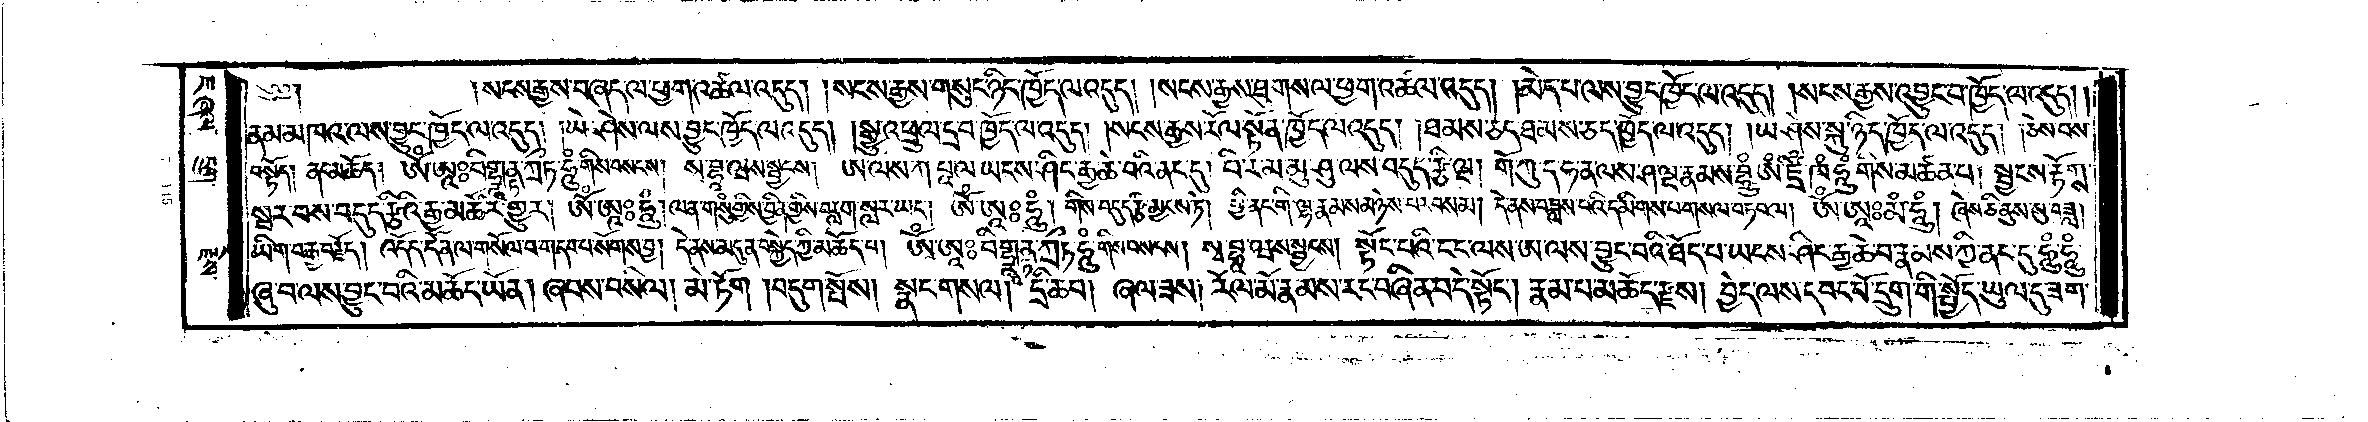༄༅། །སངས་རྒྱས་བཞད་ལ་ཕྱག་འཚལ་འདུད། །སངས་རྒྱས་གསུང་ཉིད་ཁྱོད་ལ་འདུད། །སངས་རྒྱས་ཐུགས་ལ་ཕྱག་འཚལ་འདུད། །མེད་པ་ལས་བྱུང་ཁྱོད་ལ་འདུད། །སངས་རྒྱས་འབྱུང་བ་ཁྱོད་ལ་འདུད། །
ནམ་མཁའ་ལས་བྱུང་ཁྱོད་ལ་འདུད། །ཡེ་ཤེས་ལས་བྱུང་ཁྱོད་ལ་འདུད། །སྒྱུ་འཕྲུལ་དྲ་བ་ཁྱོད་ལ་འདུད། །སངས་རྒྱས་རོལ་སྟོན་ཁྱོད་ལ་འདུད། །ཐམས་ཅད་ཐམས་ཅད་ཁྱོད་ལ་འདུད། །ཡེ་ཤེས་སྐུ་ཉིད་ཁྱོད་ལ་འདུད། །ཅེས་པས་
བསྟོད། ནང་མཆོད། ཨོཾ་ཨཱཿ བིགྷྜཱནྟ་ཀྲྀཏ་ཧཱུཾ་གིས་བསངས།  སྭ་བྷཱ་ཝ་ས་སྦྱངས།  ཨ་ལས་ཀ་བཱ་ལ་ཡངས་ཤིང་རྒྱ་ཆེ་བའི་ནང་དུ། བི་ར་མ་མུ་ཤུ་ལས་བདུད་རྩི་ལྔ། གོ་ཀུ་ད་ཧ་ན་ལས་ཤ་ལྔ་རྣམས་བྷྲཱུཾ་ཨཾ་ཛིཾ་ཁཾ་ཧཱུཾ་གིས་མཚན་པ། སྦྱངས་རྟོགས་
སྦར་བས་བདུད་རྩིའི་རྒྱ་མཚོར་གྱུར། ཨོཾ་ཨཱཿཧཱུཾ། ལན་གསུཾ་གྱིས་བྱིན་གྱིས་བླྲབ། སླར་ཡང་།  ཨོཾ་ཨཱཿཧཱུཾ། གིས་བདུད་རྩི་མྱངས་ཏེ། ཕྱི་ནང་གི་ལྷ་རྣམས་མཉེས་པར་བསམ། དེ་ནས་བཟླས་པའི་དམིགས་པ་གསལ་བཏབ་ལ།  ཨོཾ་ཨཱཿམཾ་ཧཱུཾ། ཞེས་ཅི་ནུས་སུ་བཟླ།
ཡིག་བརྒྱ་བརྗོད། འདོད་དོན་ལ་གསོལ་བ་གདབ་པ་སོགས་བྱ། དེ་ནས་མདུན་བསྐྱེད་ཀྱི་མཆོད་པ། ཨོཾ་ཨཱཿབིགྷཱནྟ་ཀྲྀཏ་ཧཱུཾ་གིས་བསངས།  སྭ་བྷཱ་ཝ་ས་སྦྱངས། སྟོང་པའི་ངང་ལས་ཨ་ལས་བྱུང་བའི་ཐོད་པ་ཡངས་ཤིང་རྒྱ་ཆེ་བ་རྣམས་ཀྱི་ནང་དུ་ཧཱུཾ་ཧཱུཾ་
ཞུ་བ་ལས་བྱུང་བའི་མཆོད་ཡོན། ཞབས་བསིལ། མེ་ཏོག །བདུག་སྤོས། སྣང་གསལ། དྲི་ཆབ། ཞལ་ཟས། རོལ་མོ་རྣམས་རང་བཞིན་བདེ་སྟོང་། རྣམ་པ་མཆོད་རྫས། བྱེད་ལས་དབང་པོ་དྲུག་གི་སྤྱོད་ཡུལ་དུ་ཟག་